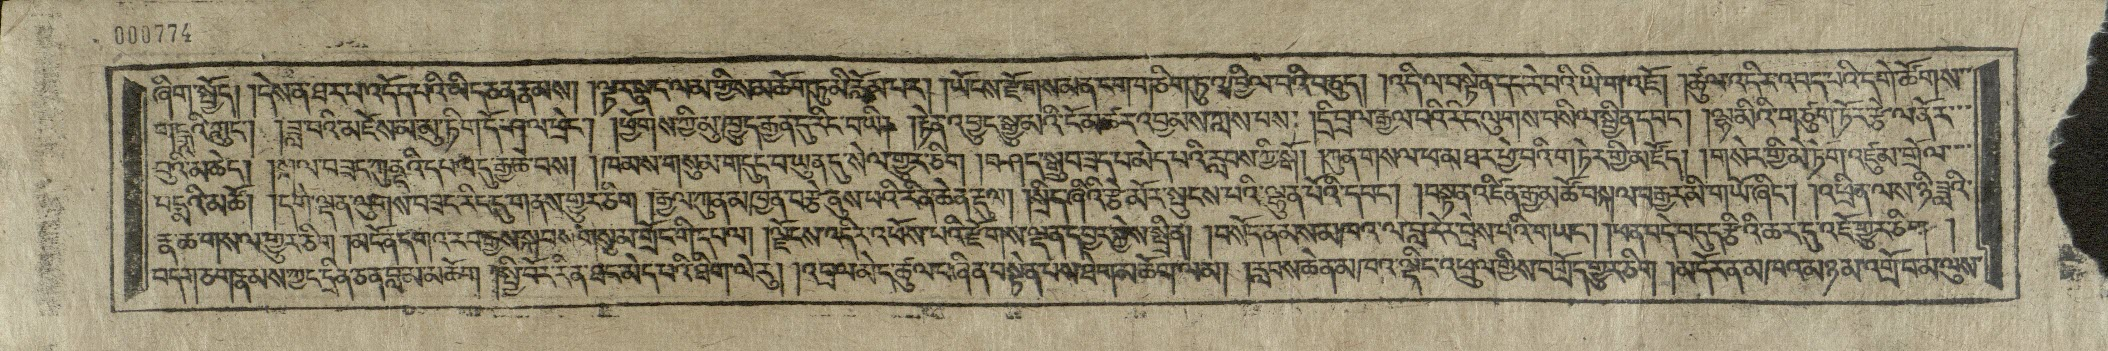ཞིག་སྤྱོད། །དེས་ན་ཐར་པ་འདོད་པའི་ཡིད་ཅན་རྣམས། །ལྟར་སྣང་ལམ་གྱིས་མཆོག་ཏུ་མི་རློམ་པར། །ཡོངས་རྫོགས་མན་ངག་གཅིག་ཏུ་འཁྱིལ་བའི་བཅུད། །འདི་ལ་བསྟེན་དང་རེ་བའི་ཡི་ག་འཇོ། །ཚུལ་འདིར་འབད་པའི་དགེ་ཚོགས་
གངྒའི་ཀླུང་། །ཟླ་བའི་མཛེས་མ་མུ་ཏིག་དོ་ཤལ་ཕྲེང་། །ཕྱོགས་ཀྱི་མུ་ཁྱུད་རྒྱན་དུ་རིང་བ་ཡི། །རྟེན་འབྱུང་སྒྱུ་མའི་ངོ་མཚར་འབྱམས་ཀླས་པས། །དྲི་བྲལ་རྒྱལ་བའི་རིང་ལུགས་བསིལ་སྦྱིན་དབང་། །ལྷ་མིའི་གཙུག་ཏོར་རྩེ་ལ་ནོར་
བུའི་མཆེད། །སྐལ་བཟང་ཀུནྡའི་དཔལ་དུ་རྒྱ་ཆེ་བས། །ཁམས་གསུམ་གདུང་བ་ཡུན་དུ་སེལ་གྱུར་ཅིག །བཤད་སྒྲུབ་ཟད་པ་མེད་པའི་རླབས་ཀྱི་སྒོ། །ཀུན་གསལ་ཕ་མཐར་ཕྱེ་བའི་གཏེར་གྱི་མཛོད། །གསེར་གྱི་མེ་ཏོག་འཛུམ་གྲོལ་
པདམའི་མཚོ། །དགེ་ལྡན་ལུགས་བཟང་རིང་དུ་གནས་གྱུར་ཅིག །རྒྱལ་ཀུན་མཁྱེན་བརྩེ་ནུས་པའི་རིན་ཆེན་རྡུལ། །སྲིད་ཞིའི་རྩེ་མོར་སྤུངས་པའི་ལྷུན་པོའི་དབང་། །བསྟན་འཛིན་རྒྱ་མཚོ་བསྐལ་བརྒྱར་མི་གཡོ་ཞིང་། །འཕྲིན་ལས་ཉི་ཟླའི་
རྣ་ཆ་གསལ་གྱུར་ཅིག །མངོན་དགའ་རབ་རྒྱས་སྐབས་གསུམ་གྲོང་གི་དཔལ། །ལྗོངས་འདིར་འཕོས་པའི་རྫོགས་ལྡན་དབྱར་སྐྱེས་སྤྲིན། །བསོད་ནམས་མཁའ་ལ་བླ་རེར་བྲེས་པའི་གཡང་། །ཕན་བདེ་བདུད་རྩིའི་ཆར་དུ་འཇེ་གྱུར་ཅིག །
བདག་ཅག་རྣམས་ཀྱང་དྲིན་ཅན་བླ་མ་མཆོག །སྤྱི་བོར་རིན་ཐང་མེད་པའི་ཐིག་ལེ་རུ། །འབྲལ་མེད་ཚུལ་བཞིན་བསྟེན་པས་ཐེག་མཆོག་ལམ། །རླབས་ཆེན་མཁའ་ལྡིང་འཕྲུལ་གྱིས་བགྲོད་གྱུར་ཅིག །མདོར་ན་མཁའ་མཉམ་འགྲོ་བ་མ་ལུས་